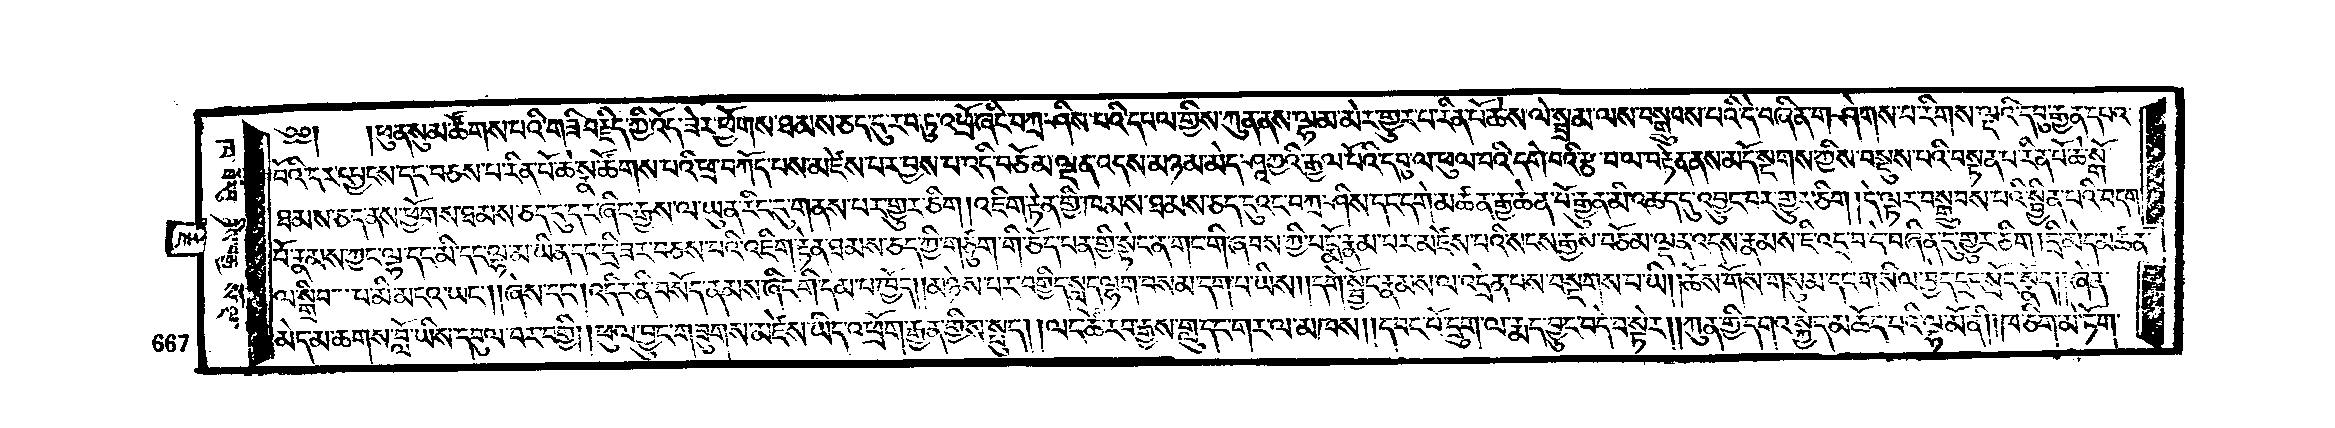༄༅། །ཕུན་སུམ་ཚོགས་པའི་གཟི་བརྗིད་ཀྱི་འོད་ཟེར་ཕྱོགས་ཐམས་ཅད་དུ་རབ་ཏུ་འཕྲོ་ཞིང་བཀྲ་ཤིས་པའི་དཔལ་གྱིས་ཀུན་ནས་ལྷམ་མེར་གྱུར་པ་རིན་པོ་ཆེ་ས་ལེ་སྦྲམ་ལས་བསྒྲུབས་པའི་དེ་བཞིན་གཤེགས་པ་རིགས་ལྔའི་དབུ་རྒྱན་དཔའ་
བོའི་དར་དཔྱངས་དང་བཅས་པ་རིན་པོ་ཆེ་སྣ་ཚོགས་པའི་ཕྲ་བཀོད་པས་མཛེས་པར་བྱས་པ་འདི་བཅོམ་ལྡན་འདས་མཉམ་མེད་ཤཱཀྱའི་རྒྱལ་པོའི་དབུ་ལ་ཕུལ་བའི་དགེ་བའི་རྩ་བ་ལ་བརྟེན་ནས་མདོ་སྔགས་ཀྱིས་བསྡུས་པའི་བསྟན་པ་རིན་པོ་ཆེ་སྒོ་
ཐམས་ཅད་ནས་ཕྱོགས་ཐམས་ཅད་དུ་དར་ཞིང་རྒྱས་ལ་ཡུན་རིང་དུ་གནས་པར་གྱུར་ཅིག །འཇིག་རྟེན་གྱི་ཁམས་ཐམས་ཅད་དུའང་བཀྲ་ཤིས་དང་དགེ་མཚན་རྒྱ་ཆེན་པོ་རྒྱུན་མི་འཆད་དུ་འབྱུང་བར་གྱུར་ཅིག །དེ་ལྟར་བསྒྲུབས་པའི་སྦྱིན་པའི་བདག་
པོ་རྣམས་ཀྱང་ལྷ་དང་མི་དང་ལྷ་མ་ཡིན་དང་དྲི་ཟར་བཅས་པའི་འཇིག་རྟེན་ཐམས་ཅད་ཀྱི་གཙུག་གི་ཆོད་པན་གྱི་སྟེང་ན་གང་གི་ཞབས་ཀྱི་པདམོ་རྣམ་པར་མཛེས་པའི་སངས་རྒྱས་བཅོམ་ལྡན་འདས་རྣམས་ཇི་འདྲ་བ་དེ་བཞིན་དུ་གྱུར་ཅིག །དྲི་མེད་མཚན་
ལ་སྒྲིབ་པ་མི་མངའ་ཡང་། །ཞེས་དང་། འདིར་ནི་བསོད་ནམས་ཞིང་གི་དམ་པ་ཁྱོད། །མཉེས་པར་བགྱིད་སླད་ལྷག་བསམ་དག་པ་ཡིས། །དགེ་སྦྱོང་རྣམས་ལ་འདྲེན་པས་བསྔགས་པ་ཡི། །ཆོས་གོས་གསུམ་དང་གསིལ་བྱེད་དྲང་སྲོང་སྣོད། །ཞེན་
མེད་མ་ཆགས་བློ་ཡིས་དབུལ་བར་བགྱི། །ཕུལ་བྱུང་གཟུགས་མཛེས་ཡིད་འཕྲོག་རྒྱན་གྱིས་སྤུད། །ལང་ཚོ་རབ་རྒྱས་གླུ་དང་གར་ལ་མཁས། །དབང་པོ་དྲུག་ལ་རྨད་བྱུང་བདེ་བ་སྟེར། །ཀུན་གྱི་དགའ་སྐྱེད་མཆོད་པའི་ལྷ་མོ་ནི། །ཁ་ཅིག་མེ་ཏོག་